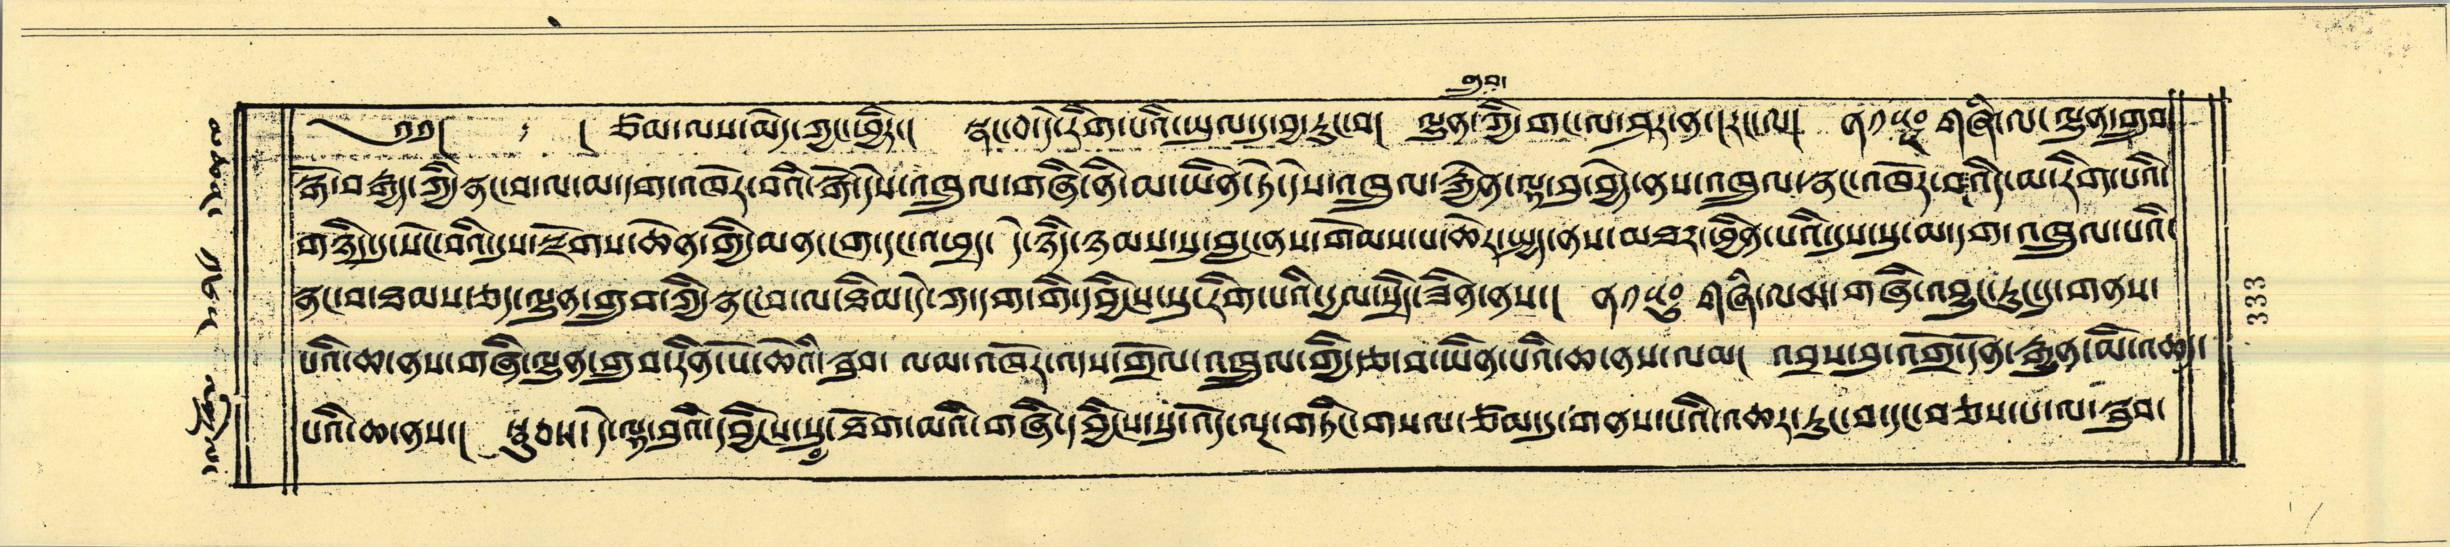ཙམ་ལས་མེད་ཀྱང་ཕྱིར། ༼སྣང་བ་༽དེ་རིག་པའི་ཡུལ་དུ་བྱ་རུང་བ། ལྷུན་གྲུབ་ཀྱི་གང་ལ་ཤར་ན་ ༼རང་ལ་༽ན༡༥༠།༥ ༼གཞི་ལ་༽ལྷུན་གྲུབ་
སྒོ་བརྒྱད་ཀྱི་སྣང་བ་ལ་མ་དག་འཁོར་བའི་སྒོ་དེས་འཁྲུལ་གཞི་ནི་མ་ཡིན་ཏེ་དེས་འཁྲུལ་རྐྱེན་ལྟ་བུ་བྱེད་ནས་འཁྲུལ་སྣང་འཁོར་བ་འདི་མ་རིག་པའི་
གཉིད་དུ་སོང་བའི་དུས་སྫོགས་ཆེན་གྱི་མན་ངག་དང་འཕྲད། དེ་ཉིད་ཉམས་སུ་བླང་ནས་གོམས་པ་ཆེར་སྤྱད་ནས་མཐར་ཕྱིན་པའི་དུས་སུ་མ་དག་འཁྲུལ་བའི་
སྣང་བ་ཐམས་ཅད་ལྷུན་གྲུབ་ཀྱི་སྣང་བ་ལ་ཐིམ་དེ་ཀ་དག་གི་དབྱིངས་སུ་རིག་པའི་རྒྱལ་སྲིད་ཟིན་ནས། ན༡༥༠།༦ ༼གཞི་ལམ་༽གཞི་འབྱུང་རུང་དུ་གནས་
པའི་ཆ་ནས་གཞི་ལྷུན་གྲུབ་རིན་པོ་ཆེའི་སྦུབ་ལམ་འཁོར་འདས་གྲོལ་འཁྲུལ་གྱི་རྩ་བ་ཡིན་པའི་ཆ་ནས་ལམ། འབྲས་བུ་འགྲོ་དོན་རྒྱུན་མི་འཆད་
པའི་ཆ་ནས། ༼སྦུབས་༽དེ་ལྟ་བུའི་དབྱིངས་སུ་ཐོག་མའི་གཞི་དབྱིངས་སུ་འོད་ལྔ་གཏིང་གསལ་ཙམ་དུ་གནས་པའི་འཆར་རུང་བ་དང་བཅས་ལ་སྦུབ་